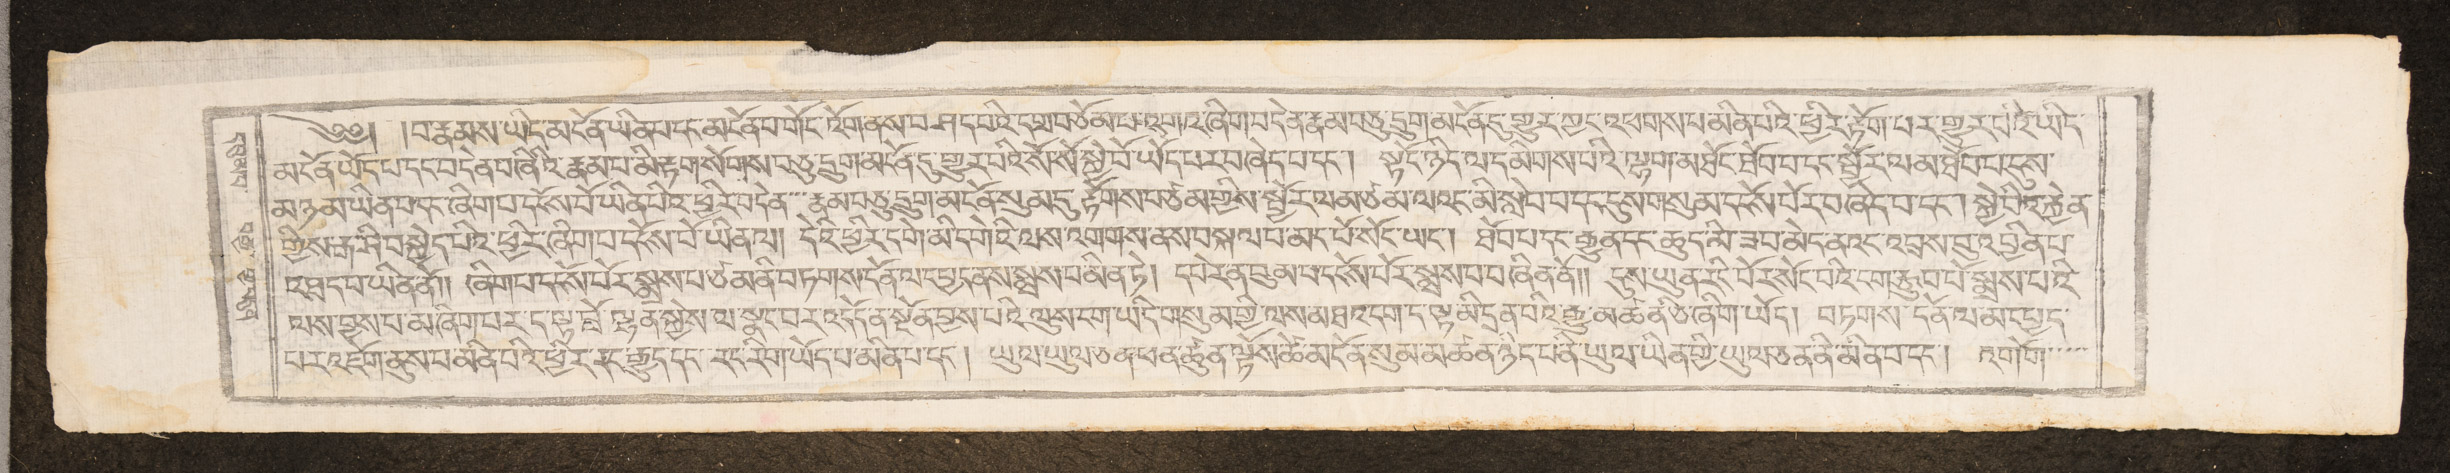༄༅། །བ་རྣམས་ཡིད་མངོན་ཡིན་པ་དང་མངོན་པ་གོང་འོག་ནས་བཤད་པའི་དགྲ་བཅོམ་པ་འགའ་ཞིག་བདེན་རྣམ་བཅུ་དྲུག་མངོན་དུ་གྱུར་ཀྱང་འཕགས་པ་མིན་པའི་ཕྱིར་རྟོག་པར་གྱུར་པའི་ཡིད་
མངོན་ཡོད་པ་དང་བདེན་བཞིའི་རྣམ་པ་མི་རྟག་སོགས་བཅུ་དྲུག་མངོན་དུ་གྱུར་བའི་སོ་སོ་སྐྱེ་བོ་ཡོད་པར་བཞེད་པ་དང་། སྟོང་ཉིད་ལ་དམིགས་པའི་ལྷག་མཐོང་ཐོབ་པ་དང་སྦྱོར་ལམ་ཐོབ་པ་དུས་
མཉམ་ཡིན་པ་དང་ཞིག་པ་དངོས་པོ་ཡིན་པའི་ཕྱིར་བདེན་རྣམ་བཅུ་དྲུག་མངོན་སུམ་དུ་རྟོགས་པ་ཙམ་གྱིས་སྦྱོར་ལམ་ཙམ་ལའང་མི་སླེབ་པ་དང་དུས་གསུམ་དངོས་པོར་བཞེད་པ་དང་། སྐྱེ་བའི་རྐྱེན་
གྱིས་རྒ་ཤི་བསྐྱེད་པའི་ཕྱིར་ཞིག་པ་དངོས་པོ་ཡིན་ལ། དེའི་ཕྱིར་དགེ་མི་དགེའི་ལས་འགགས་ནས་བསྐལ་པ་མང་པོ་སོང་ཡང་། ཐོབ་པ་དང་རྒྱུན་དང་ཆུད་མི་ཟ་བ་མེད་ནའང་འབྲས་བུ་འབྱིན་པ་
འཐད་པ་ཡིན་ནོ།། ཞིག་པ་དངོས་པོར་སྨྲས་པ་ཙམ་ནི་བཏགས་དོན་ལ་དཔྱད་ནས་སྨྲས་པ་མིན་ཏེ། དཔེར་ན་བུམ་པ་དངོས་པོར་སྨྲས་པ་བཞིན་ནོ།། དུས་ཡུན་རིང་པོར་སོང་བའི་ངག་རྩུབ་པོ་སྨྲས་པའི་
ལས་བྱས་པ་མ་ཞིག་པར་ད་ལྟ་བློ་ལྷན་སྐྱེས་ལ་སྣང་བར་འདོད་ན་སྔོན་བྱས་པའི་ལུས་ངག་ཡིད་གསུམ་གྱི་ལས་མཐའ་དག་ད་ལྟ་མི་དྲན་པའི་རྒྱུ་མཚན་ཅི་ཞིག་ཡོད། བཏགས་དོན་ལ་མ་དཔྱད་
པར་འཇོག་ནུས་པ་མིན་པའི་ཕྱིར་རང་རྒྱུད་དང་རང་རིག་ཡོད་པ་མིན་པ་དང་། ཡུལ་ཡུལ་ཅན་ཕན་ཚུན་ལྟོས་ཚེ་མངོན་སུམ་མཚན་ཉིད་པ་ནི་ཡུལ་ཡིན་གྱི་ཡུལ་ཅན་ནི་མིན་པ་དང་། འགོག་